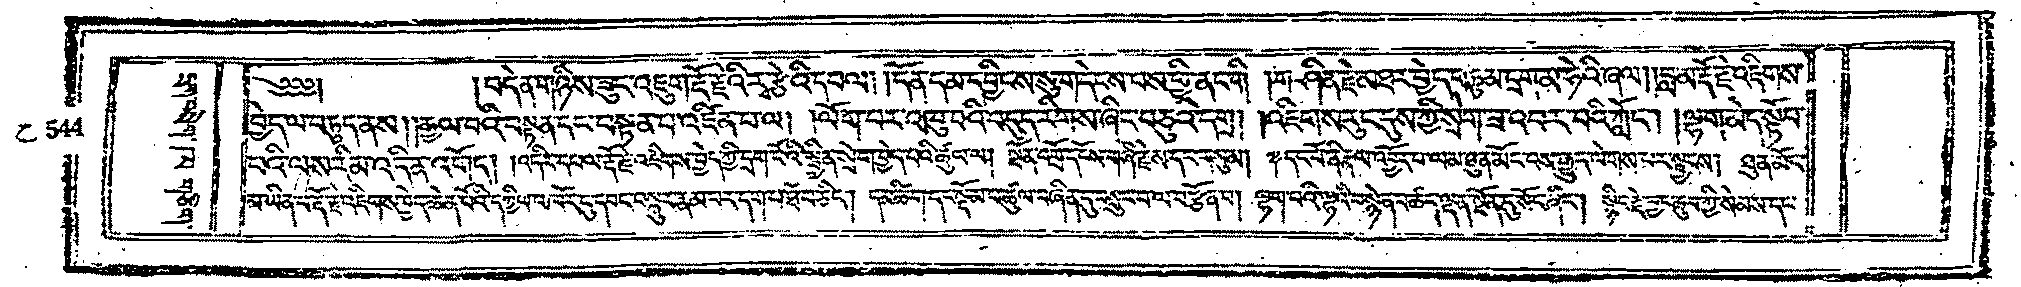༄༅༅། །བདེན་གཉིས་ཟུང་འཇུག་རྡོ་རྗེའི་རྭ་རྩེའི་དཔལ། །དོན་དམ་དབྱིངས་སུ་གདེངས་པ་ཕྱི་ནང་གི །གཤིན་རྗེ་མཐར་བྱེད་གཏུམ་དྲག་མ་ཧེའུ་ཞལ། །བླ་མ་རྡོ་རྗེ་འཇིགས་
བྱེད་ལ་བཏུད་ནས། །རྒྱལ་བའི་བསྟན་དང་བསྟན་པ་འཛིན་པ་ལ། །ལོག་པར་འཁུ་པའི་བདུད་རིགས་ཞིང་བཅུའི་དགྲ། །འཇིགས་རུང་དུས་ཀྱི་སྲེག་ཟ་འབར་བའི་ཀློང་། །ལྷག་མེད་སྟོབ་
པའི་ལས་རིམ་འདི་ན་འགོད། །འདིར་དཔལ་རྡོ་རྗེ་འཇིགས་བྱེད་ཀྱི་དྲག་པོའི་སྦྱིན་སྲེག་བྱེད་པའི་ཚུལ་ལ། སྔོན་འགྲོ་དངོས་གཞི་རྗེས་དང་གསུམ། འདང་པོ་ནི་རྣལ་འབྱོར་པ་ལམ་ཐུན་མོང་བས་རྒྱུད་ལེགས་པར་སྦྱངས། ཐུན་མོང་
མ་ཡིན་པ་རྡོ་རྗེ་འཇིགས་བྱེད་ཆེན་པོའི་དཀྱིལ་འཁོར་དུ་དབང་བསྐུར་རྣམ་པར་དག་པ་ཐོབ་ཅིང་། དམ་ཚིག་དང་སྡོམ་པ་ཚུལ་བཞིན་དུ་བསྲུང་བ་ལ་བརྩོན་པ། ལྷག་པའི་ལྷའི་བསྙེན་པ་ཚད་ལྡན་སྔོན་དུ་སོང་ཞིང་། སྙིང་རྗེ་བྱང་ཆུབ་ཀྱི་སེམས་དན་